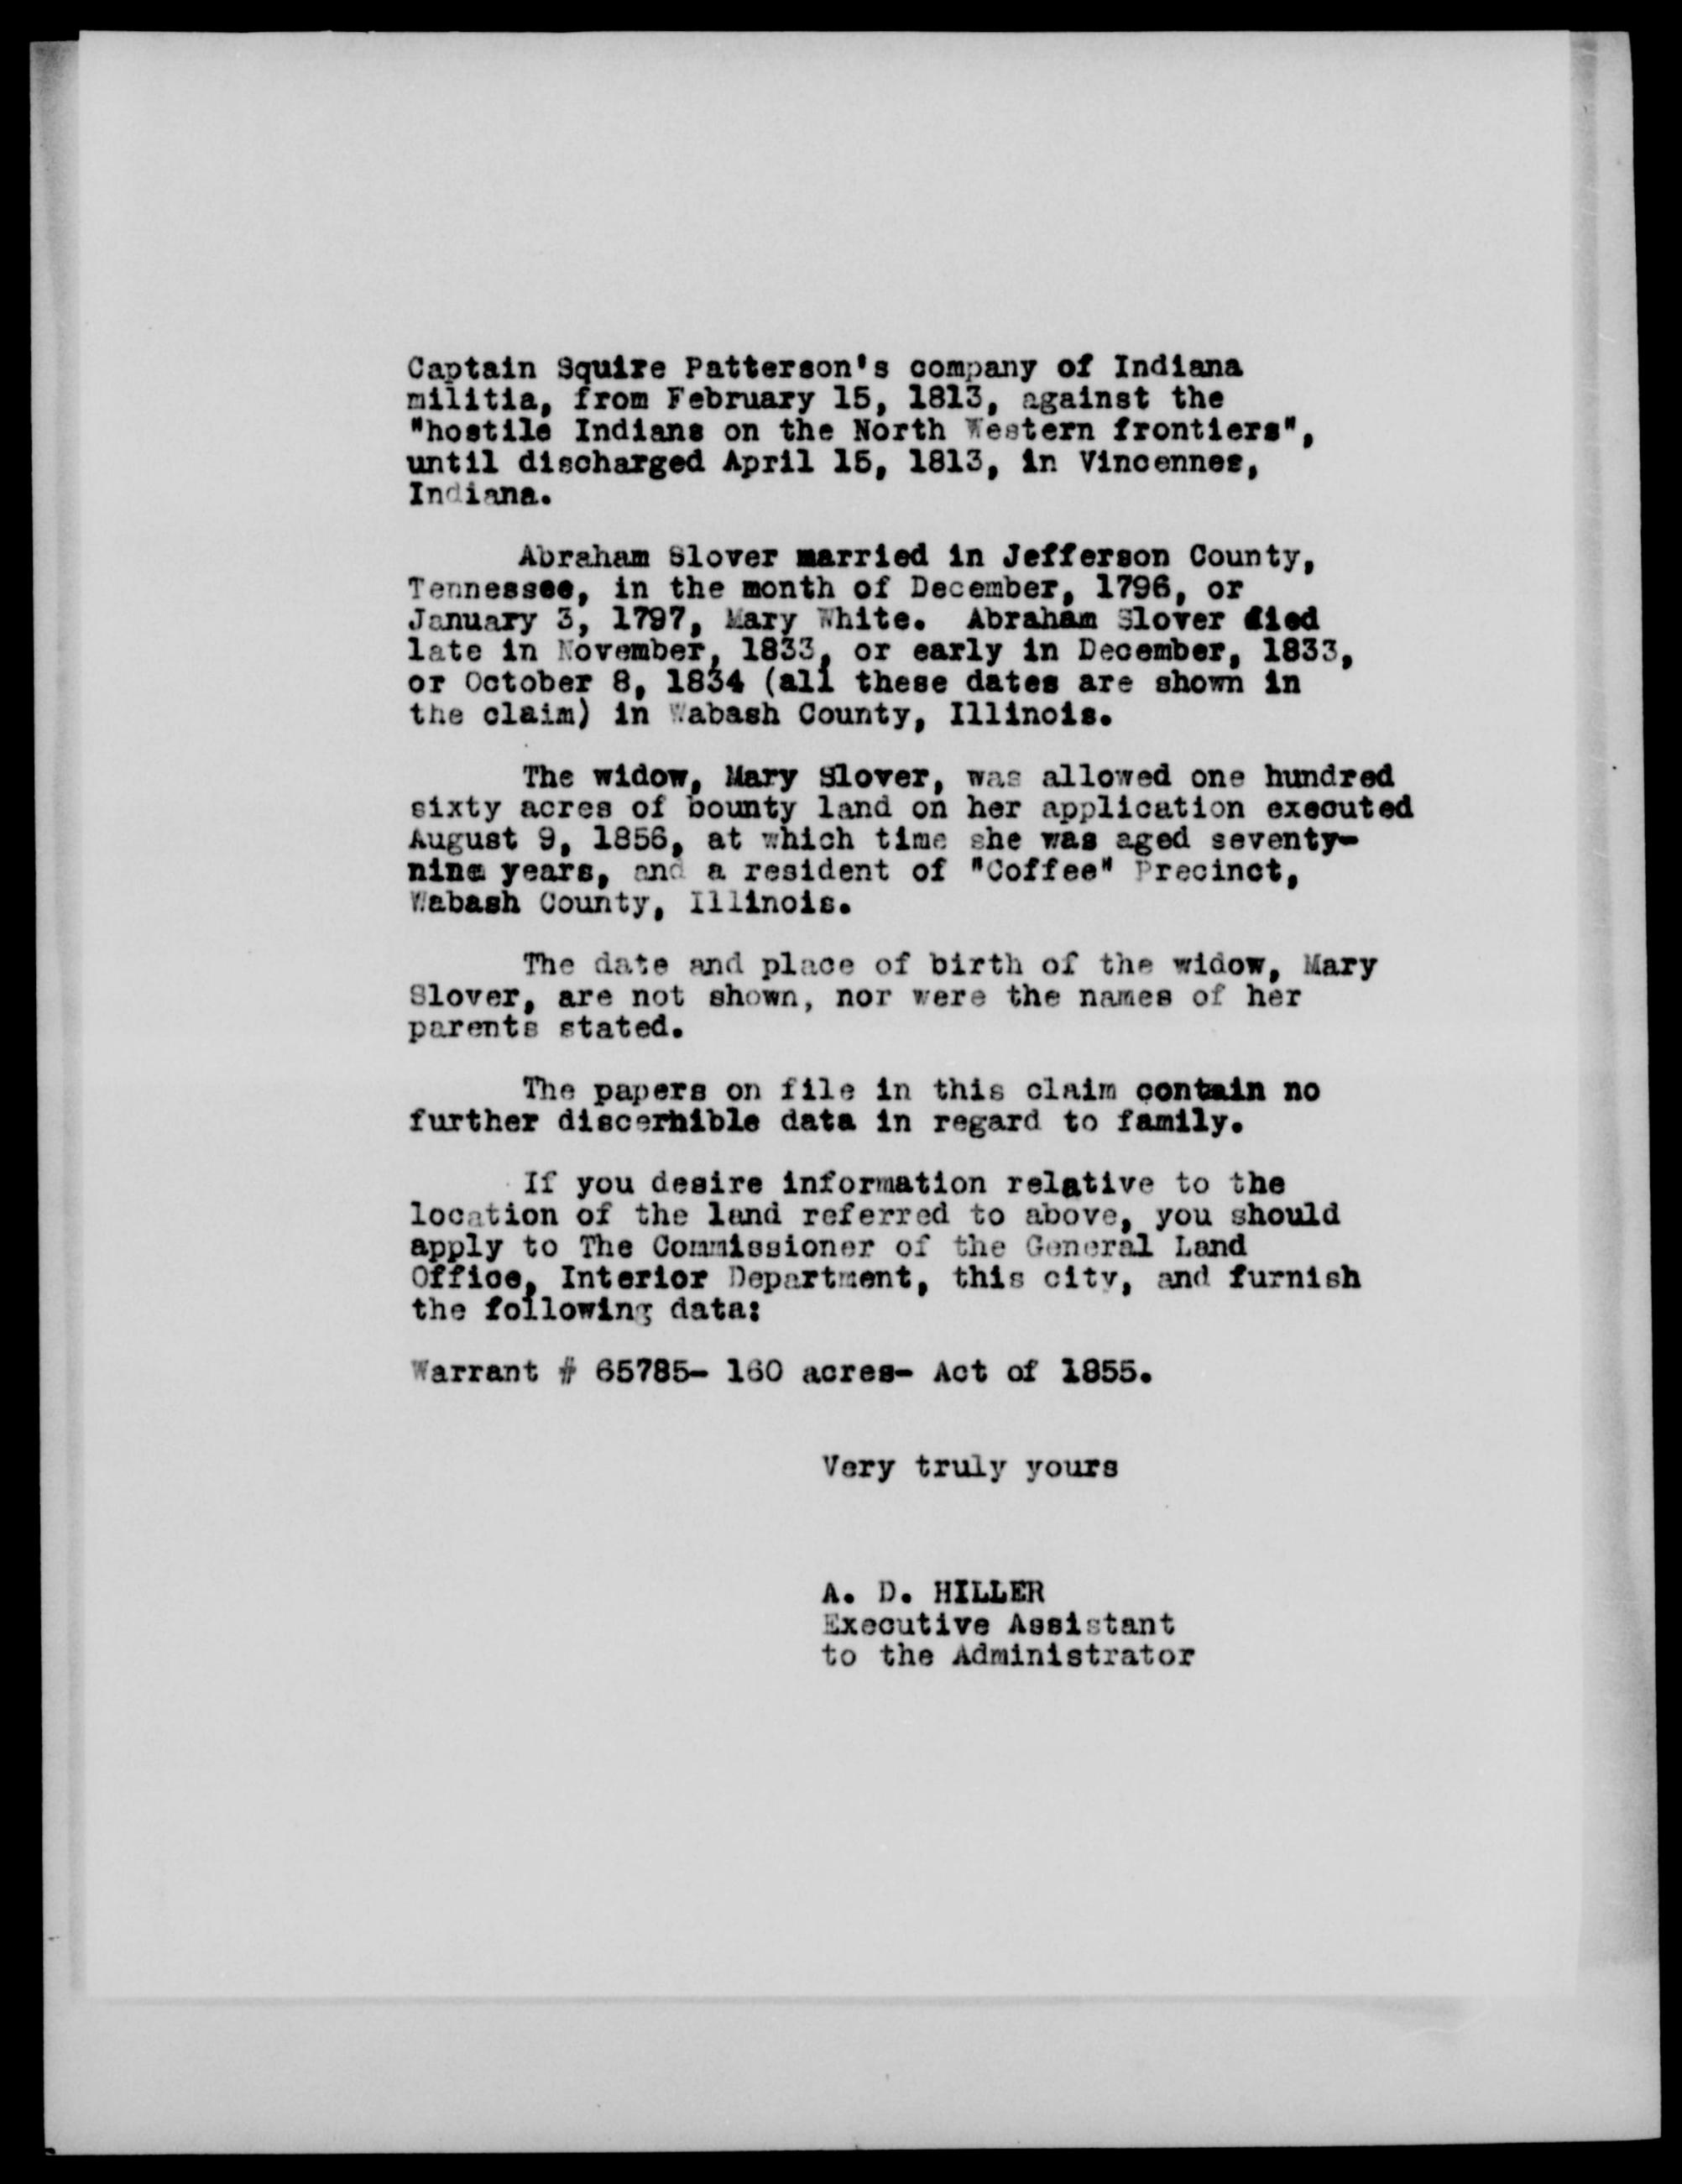...Captain Squire Patterson's company of Indiana militia, from February 15, 1813, against the, "hostile Indians on the North Western frontiers," until discharged April 15, 1813, in Vincennes, Indiana.

Abraham Slover married in Jefferson County, Tennessee, in the month of December, 1796, or January 3, 1797, Mary White. Abraham Slover died late in November, 1833, or early in December, 1833, or October 8, 1834 (all these dates are shown in the claim) in Wabash County, Illinois.

The widow, Mary Slover, was allowed one hundred sixty acres of bounty land on her application executed August 9, 1856, at which time she was aged seventy nine years, and a resident of "Coffee" Precinct, Wabash County, Illinois.

The date and place of birth of the widow, Mary Slover, are not shown, nor were the names of her parents stated.

The papers on file in this claim contain no further discernible data in regard to family.

If you desire information relative to the location of the land referred to above, you should apply to The Commissioner of the General Land Office, Interior Department, this city, and furnish the following data:

Warrant #65785 - 160 acres- Act of 1855.

Very truly yours
A.D. HILLER
Executive Assistant to the Administrator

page: 20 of 46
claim: widow's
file: W. 6205, for John Slover, New Jersey